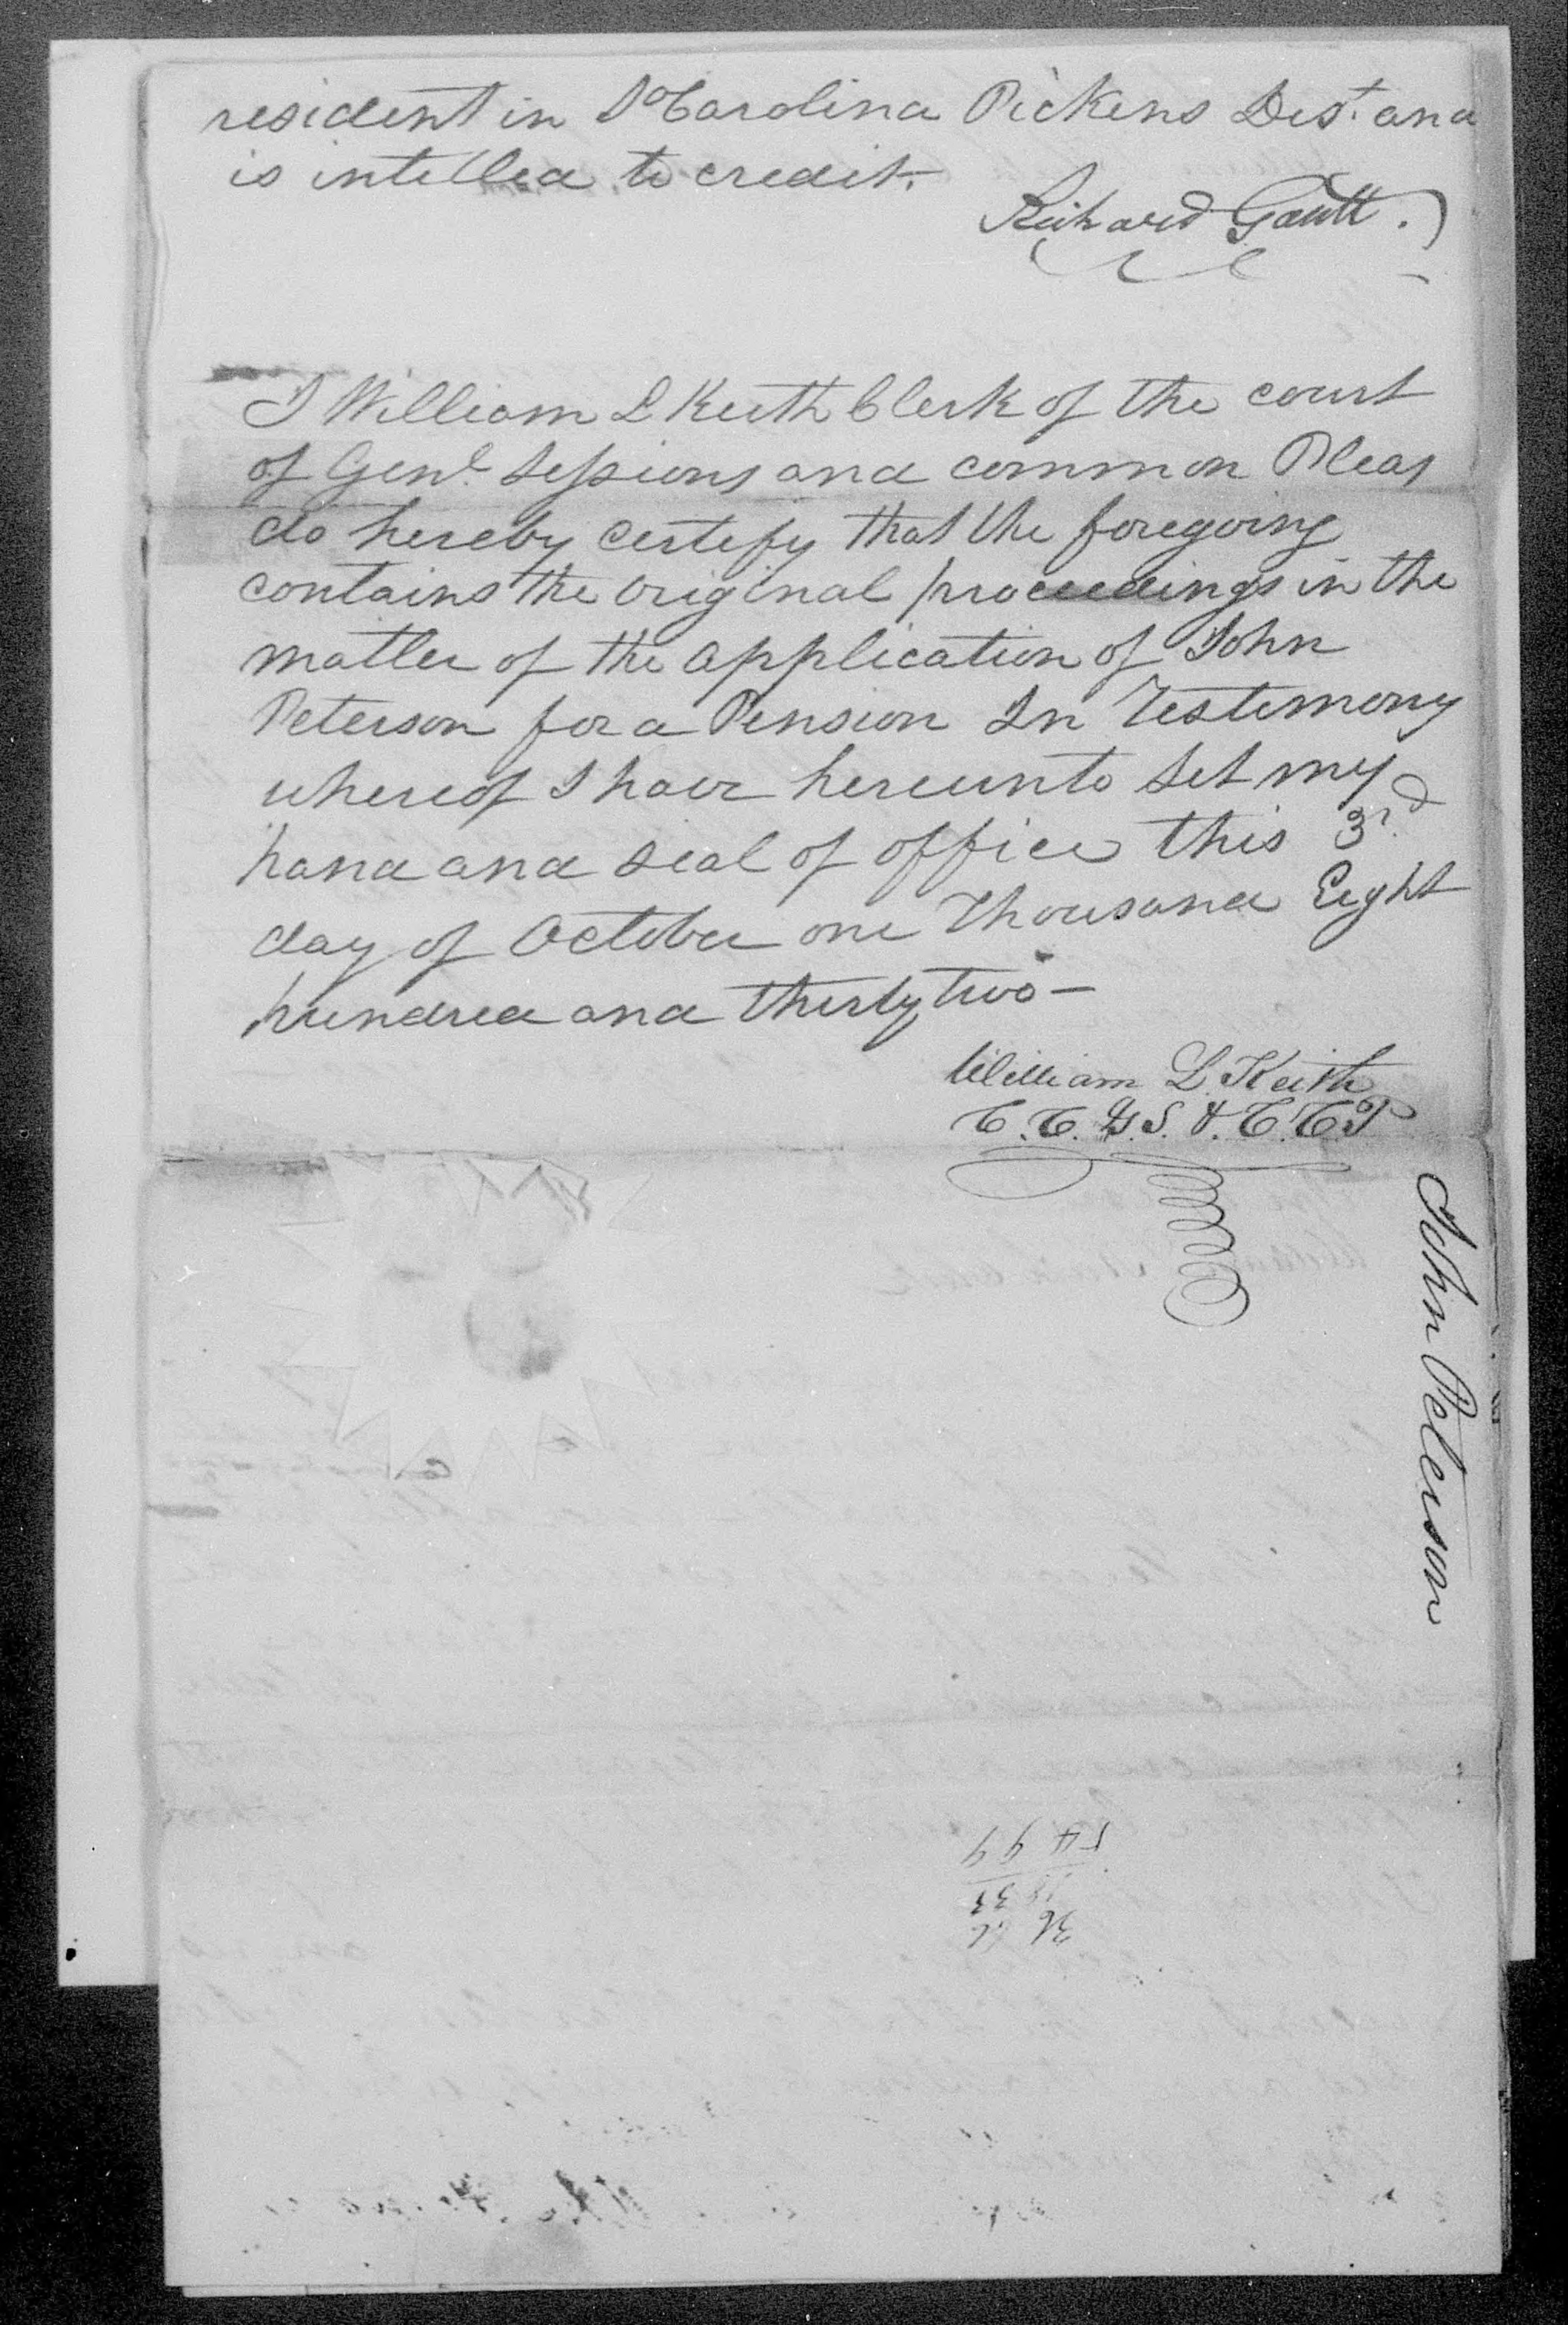resident in So. Carolina Pickens District and is intitled to credit.
(signed) Richard Garett

I will L. Keith Clerk of the court of genl session and common pleas do hereby certify that the foregoing contains the original proceedings in the matter of the application of John Peterson for a pension in testimony whereof I have hereunto set my hand and seal of office this 3rd day of October one thousand eight hundred and thirty two
(signed) William L. Keith
C.C. G.S. + C.C.P.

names: Richard Gautt; John Peterson; William L Keith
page: 8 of 13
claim: survivor's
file: S. 9,456, for John Peterson, North Carolina